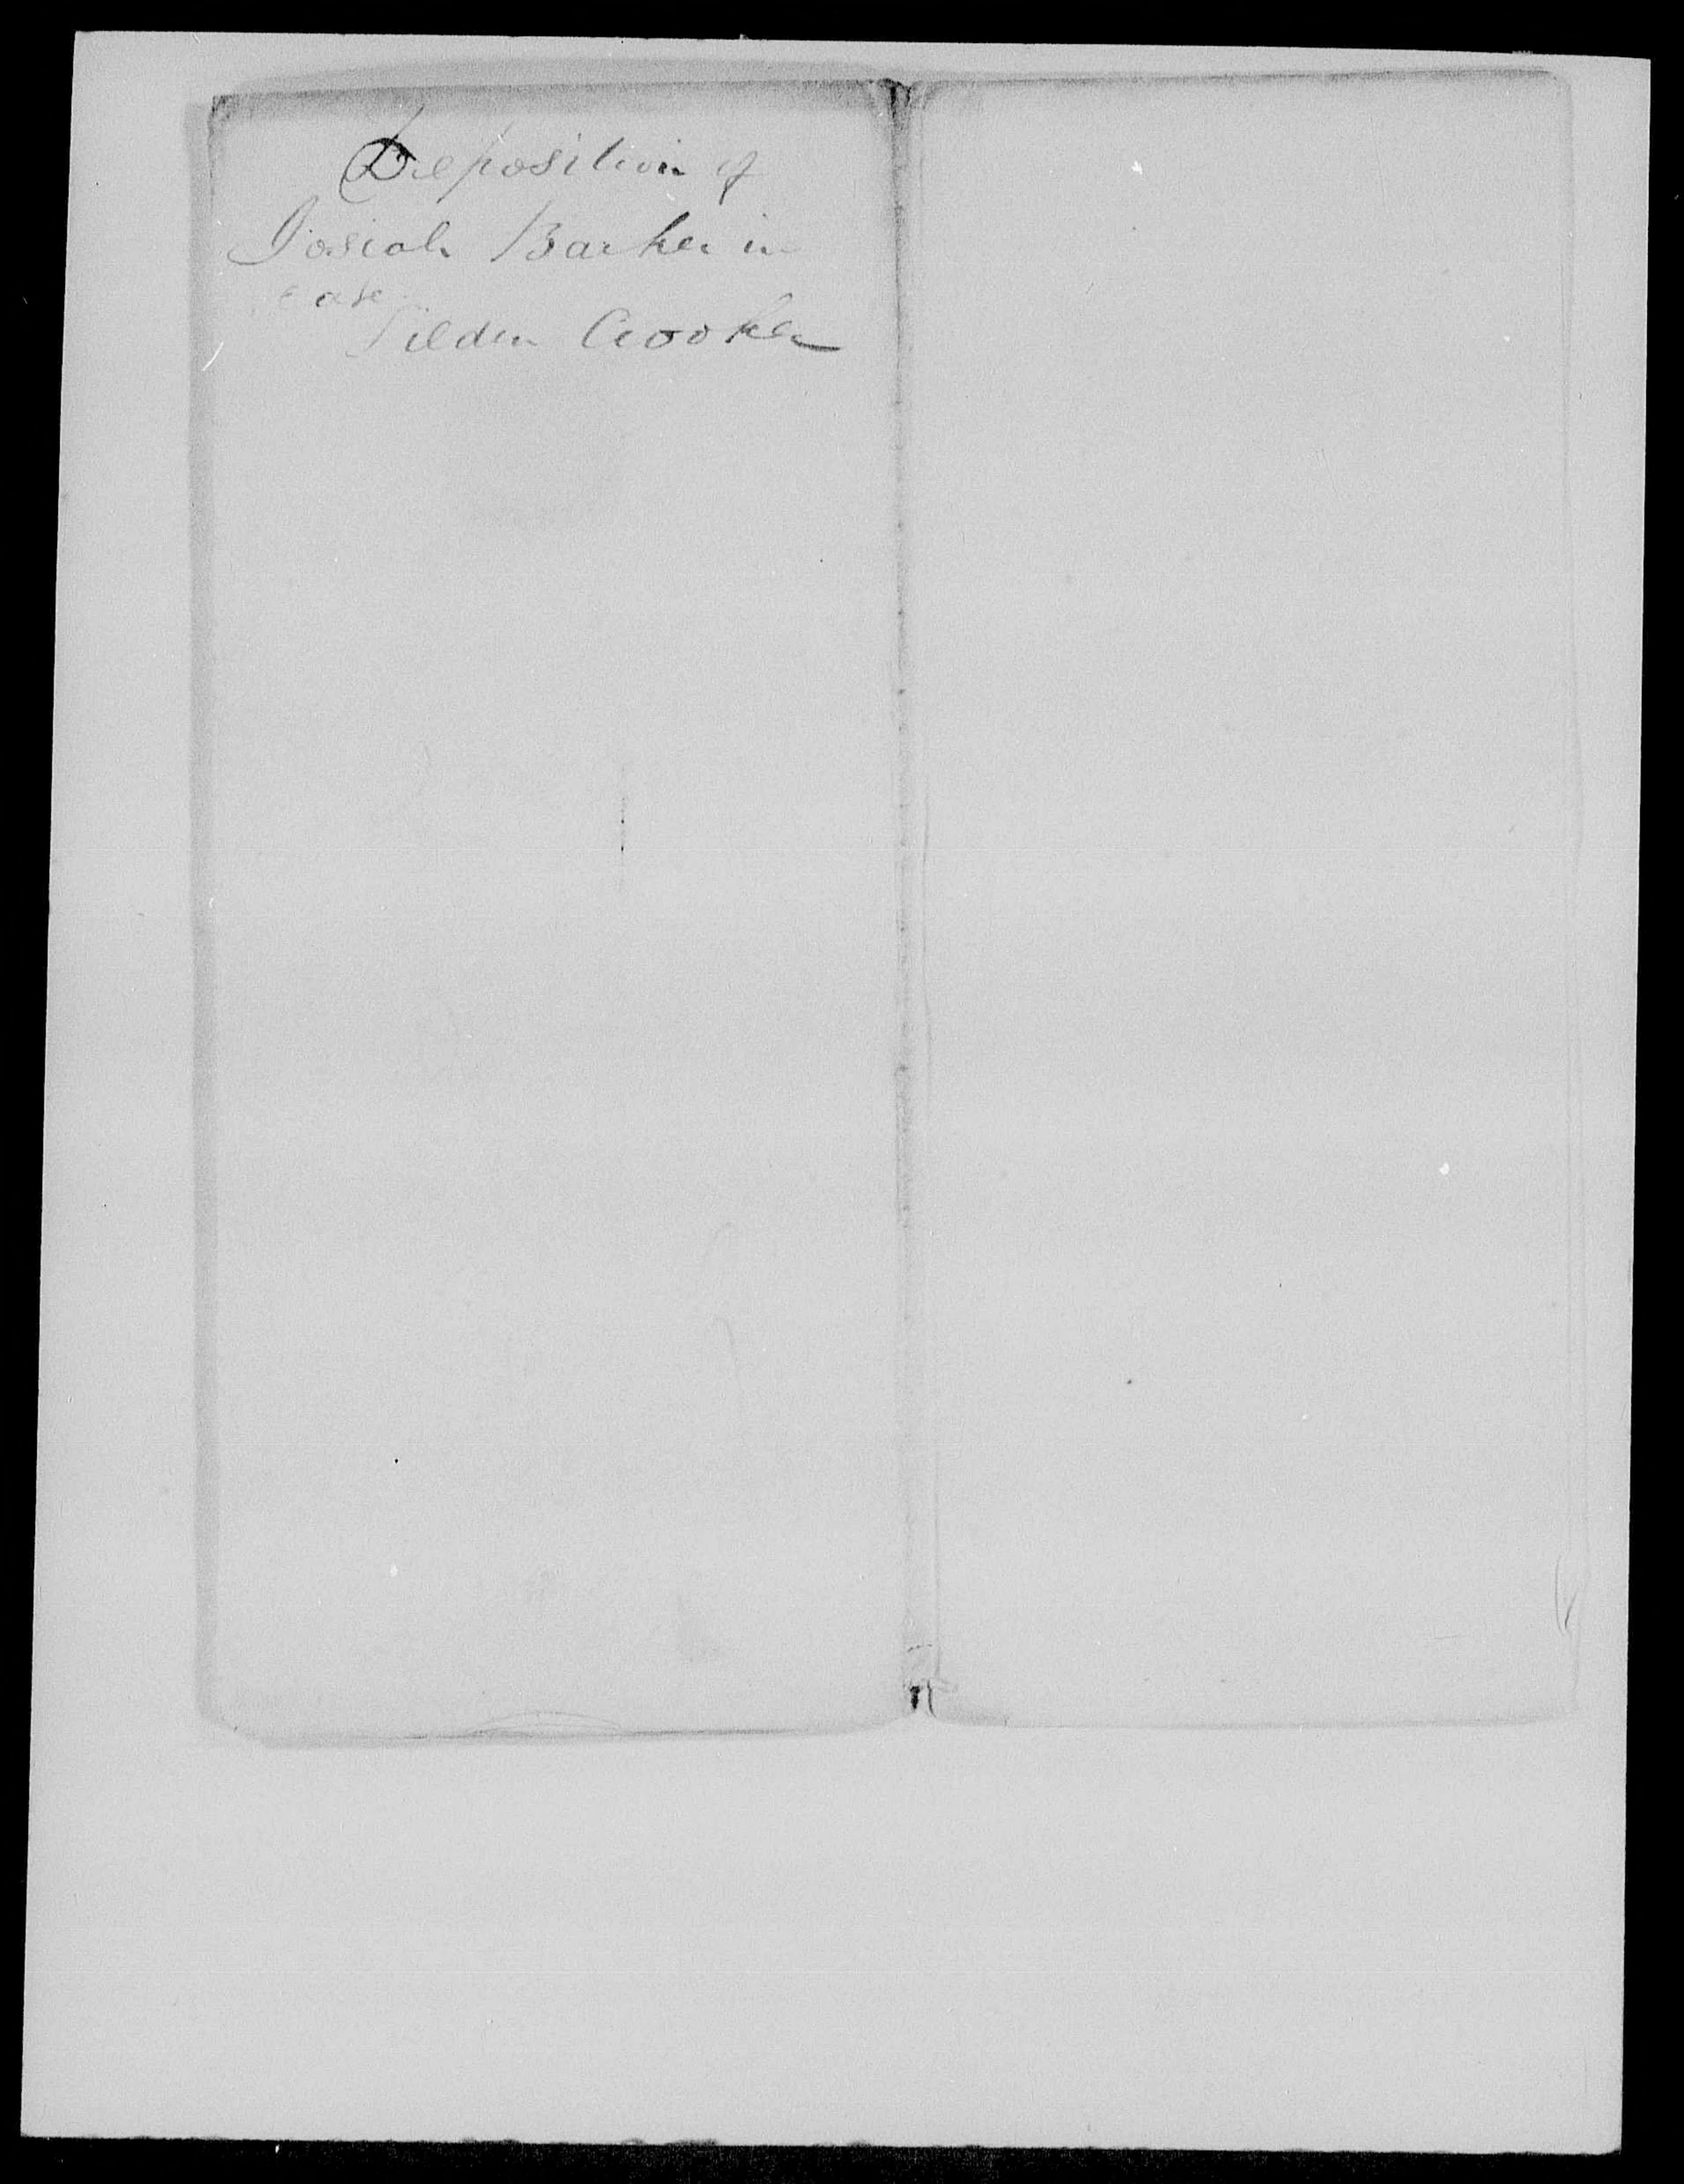Deposition of
Josiah Barker 
in case  of
Tilden Cooper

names: Tilden Crooker, Josiah Barker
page: 16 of 33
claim: widow's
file: W. 22862, Tilden Crooker, Mass Navy